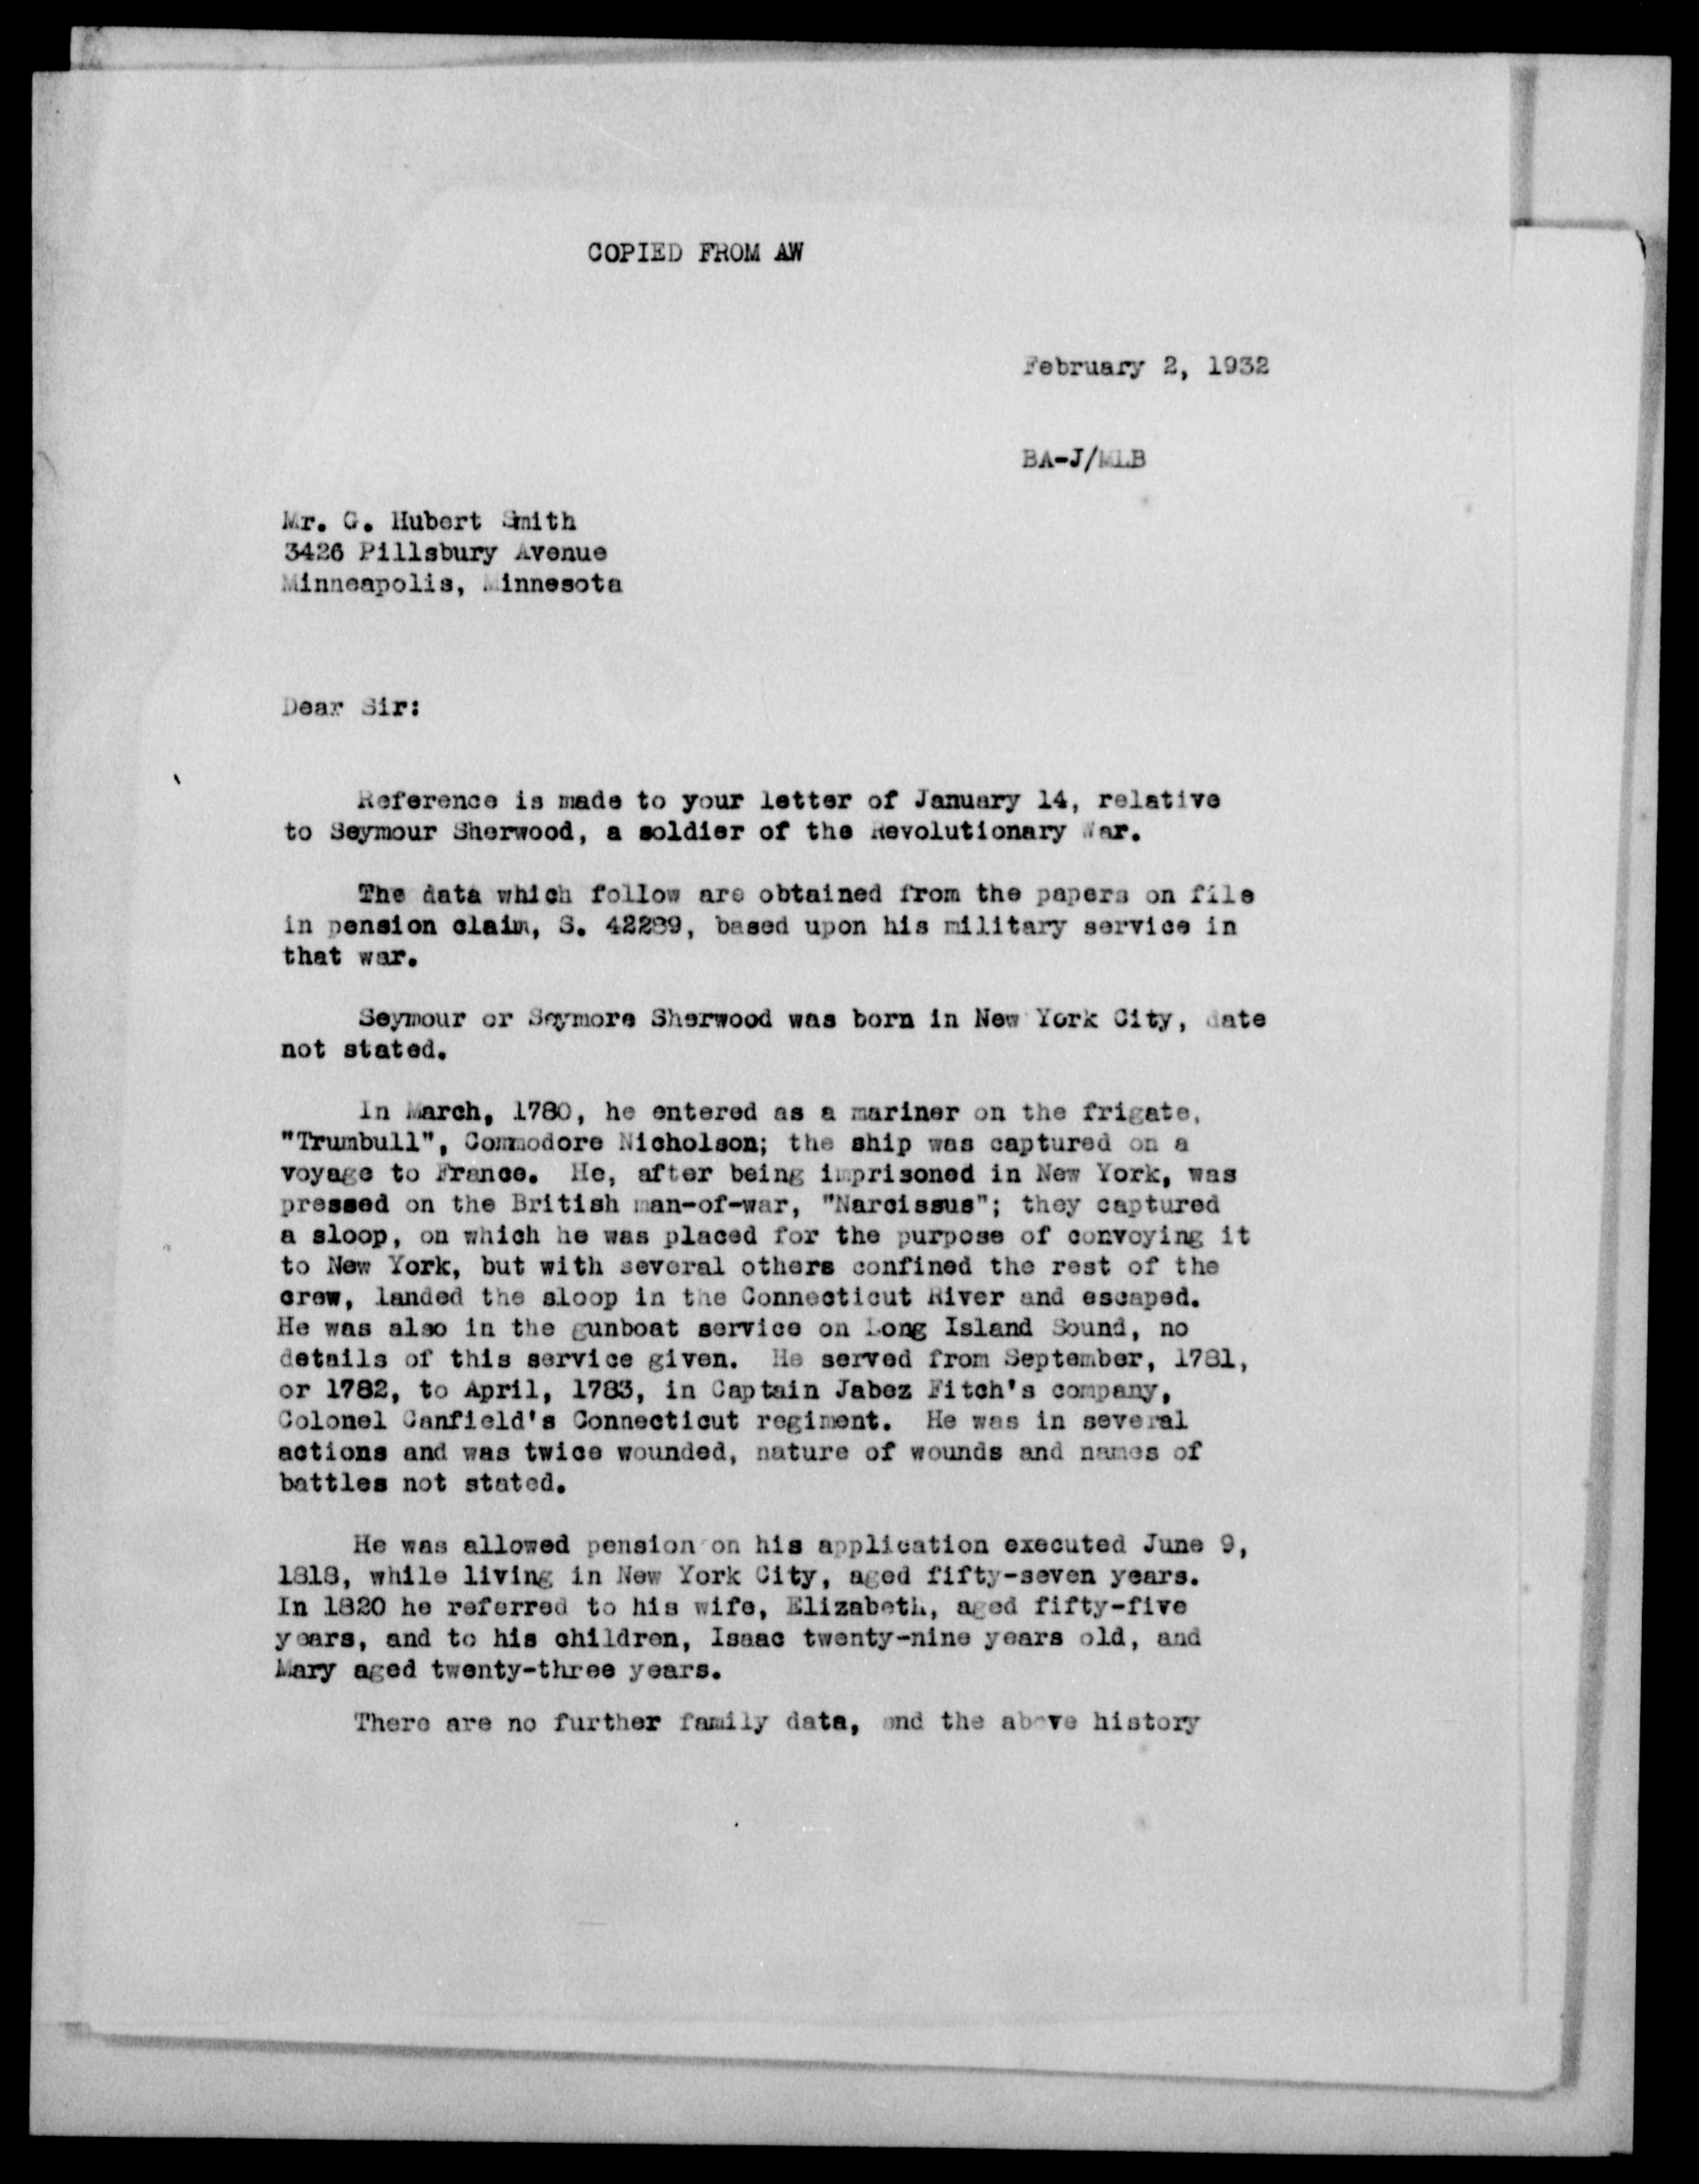COPIED FROM AN

February 2, 1932

BA-J/WLB


Mr. G. Hubert Smith
3426 Pillsbury Avenue
Minneapolis, Minnesota


Dear Sir:


Reference is made to your letter of January 14, relative to Seymour Sherwood, a soldier of the Revolutionary War.

The data which follow are obtained from the papers on file in pension claim, S. 42289, based upon his military service in that war.

Seymour or Seymore Sherwood was born in New York City, date not stated.

In March, 1780, he entered as a mariner on the frigate, "Trumbull", Commodore Nicholson; the ship was captured on a voyage to France.  He, after being imprisoned in New York, was pressed on the British man-of-war, "Narcissus"; they captured a sloop, on which he was placed for the purpose of convoying it to New York, but with several others confined the rest of the crew, landed the sloop in the Connecticut River and escaped. He was also in the gunboat service on Long Island Sound, no details of this service given. He served from September, 1781, or 1782, to April, 1783, in Captain Jabez Fitch's company, Colonel Canfield's Connecticut Regiment.  He was in several actions and was twice wounded, nature of wounds and names of battles not stated.

He was allowed pension on his application executed June 9, 1818, while living in New York City, aged fifty-seven years.  In 1820 he referred to his wife, Elizabeth, aged fifty-five years, and to his children, Isaac twenty-nine years old, and Mary aged twenty-three years.

There are no further family data, and the above history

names: Elizabeth [BLANK]; Isaac [BLANK]; Seymour Sherwood; Seymore Sherwood; Mary [BLANK]; [BLANK] Nicholson; [BLANK] Narcissus; G Hubert Smith; Seymour Sherwood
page: 13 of 30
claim: survivor's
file: S. 42289, for Seymore Sherwood, Connecticut